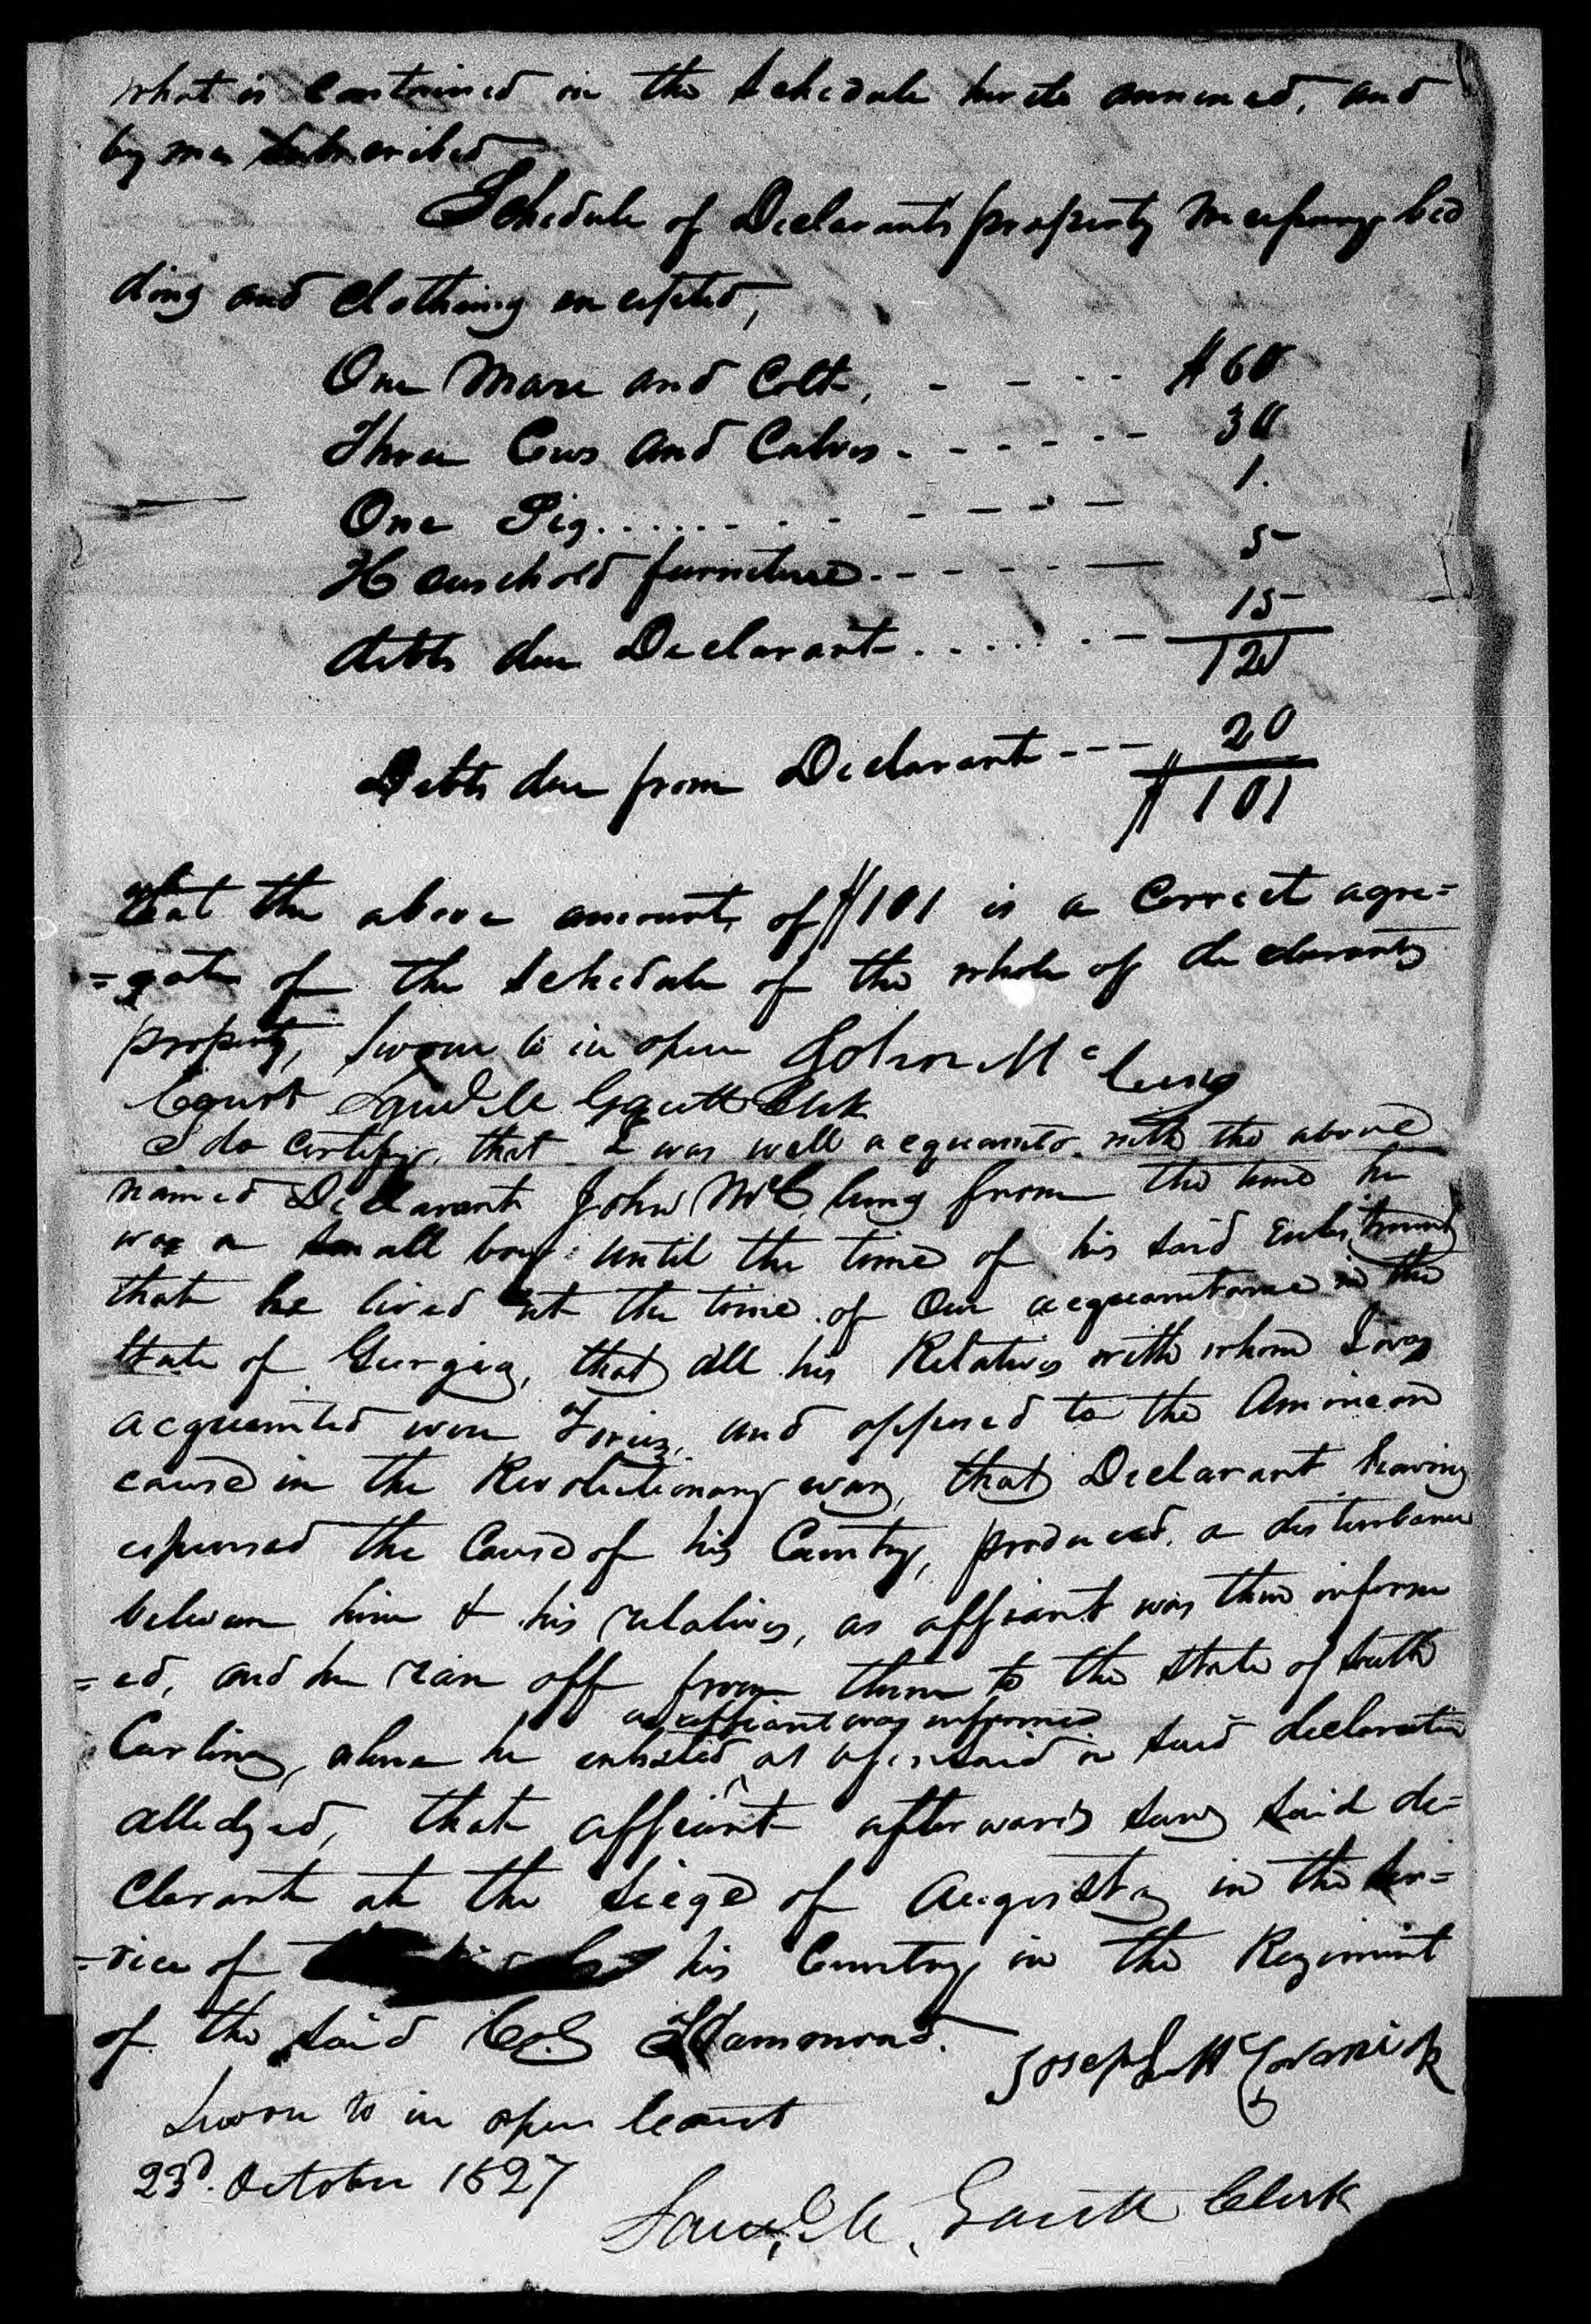what is contained in the Schedule hereto annexed, and  
by me subscribed.

Schedule of Declarant's property [illegible] bed
ding and clothing excepted,
One mare and colt . . . . . . . . . . . . . . .  $66.
Three cows and calves . . . . . . . . . . . .    34.
One pig . . . . . . . . . . . . . . . . . . . . . . . . .      1.
Household furniture . . . . . . . . . . . . . . .      5.
debts due Declarant . . . . . . . . . . . . . . .    15.
___
121
Debts due from Declarant . . . . . . . . . . .   20.
____
$101

That the above amount of $101 is a correct agre
gate [aggregate] of the Schedule of the whole of declarants
property.  Sworn to in Open | John McClung
Court Saml M Gautt Clk 
I do certify that I was well acquainted with the above 
named Declarant John McClung from the time he 
was a small boy until the time of his said enlistment 
that he lived at the time of our acquaintance in the 
State of Georgia, that all his relatives with whom I was 
acquainted were Tories and opposed to the American 
cause in the Revolutionary War, that Declarant having 
approved the cause of his Country, produced a disturbance 
between him & his relatives, as affiant was then inform
ed and he ran off from them to the State of South 
Carolina, where he enlisted as affiant was informed as aforesaid in declaration 
alleged, that affiant afterwards saw said de
clarant at the siege of Augusta in the ser
vice of [words struck out] his country in the regiment 
of the said Col Hammons.
Joseph McCormick
Sworn to in open Court 
23d. October 1827
Saml. M. Gautt Clerk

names: [BLANK] Hammons; John Mc Lung; Saml M Gautt; Joseph Mc Cormick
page: 23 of 115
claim: widow's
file: W. 1446, for John Mc Clung, South Carolina